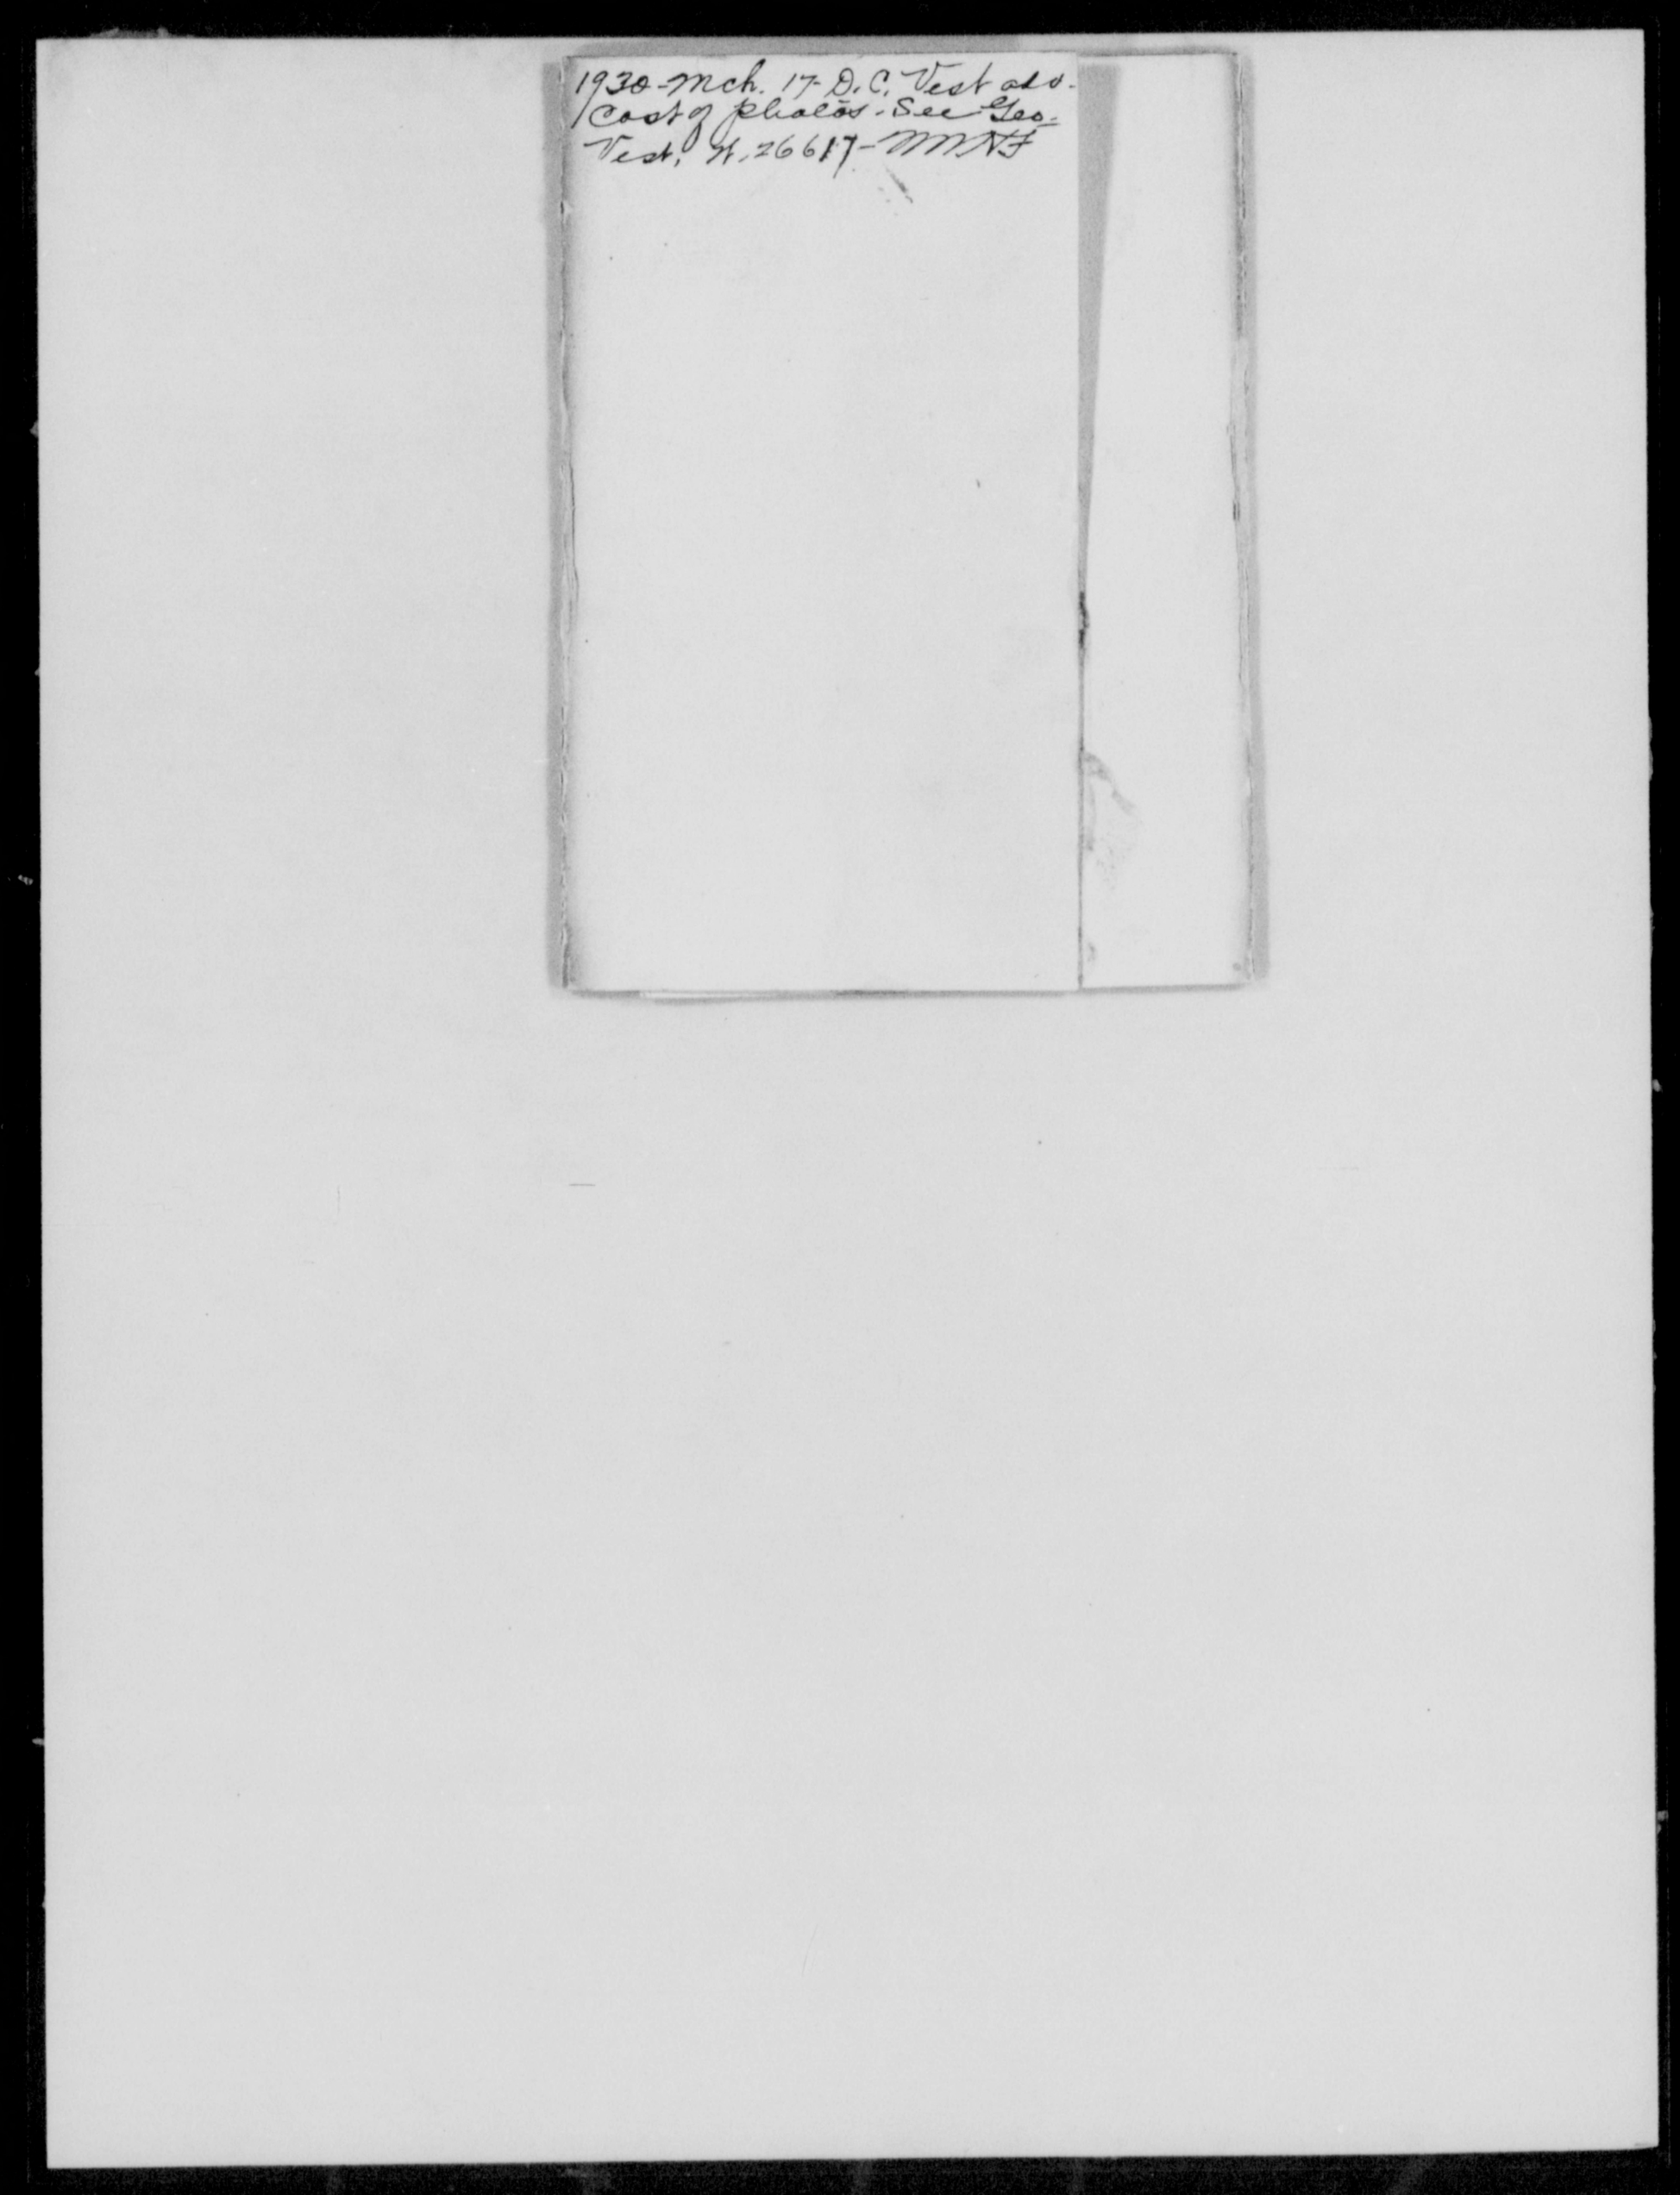1930 - Mch. 17 0 D.C. Vest adv. cost of photos - see Geo. Vest, W. 26617 - MMHF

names: D C Vest, Geo Vest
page: 13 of 15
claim: survivor's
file: S. 16,563, Samuel Vest, Va.